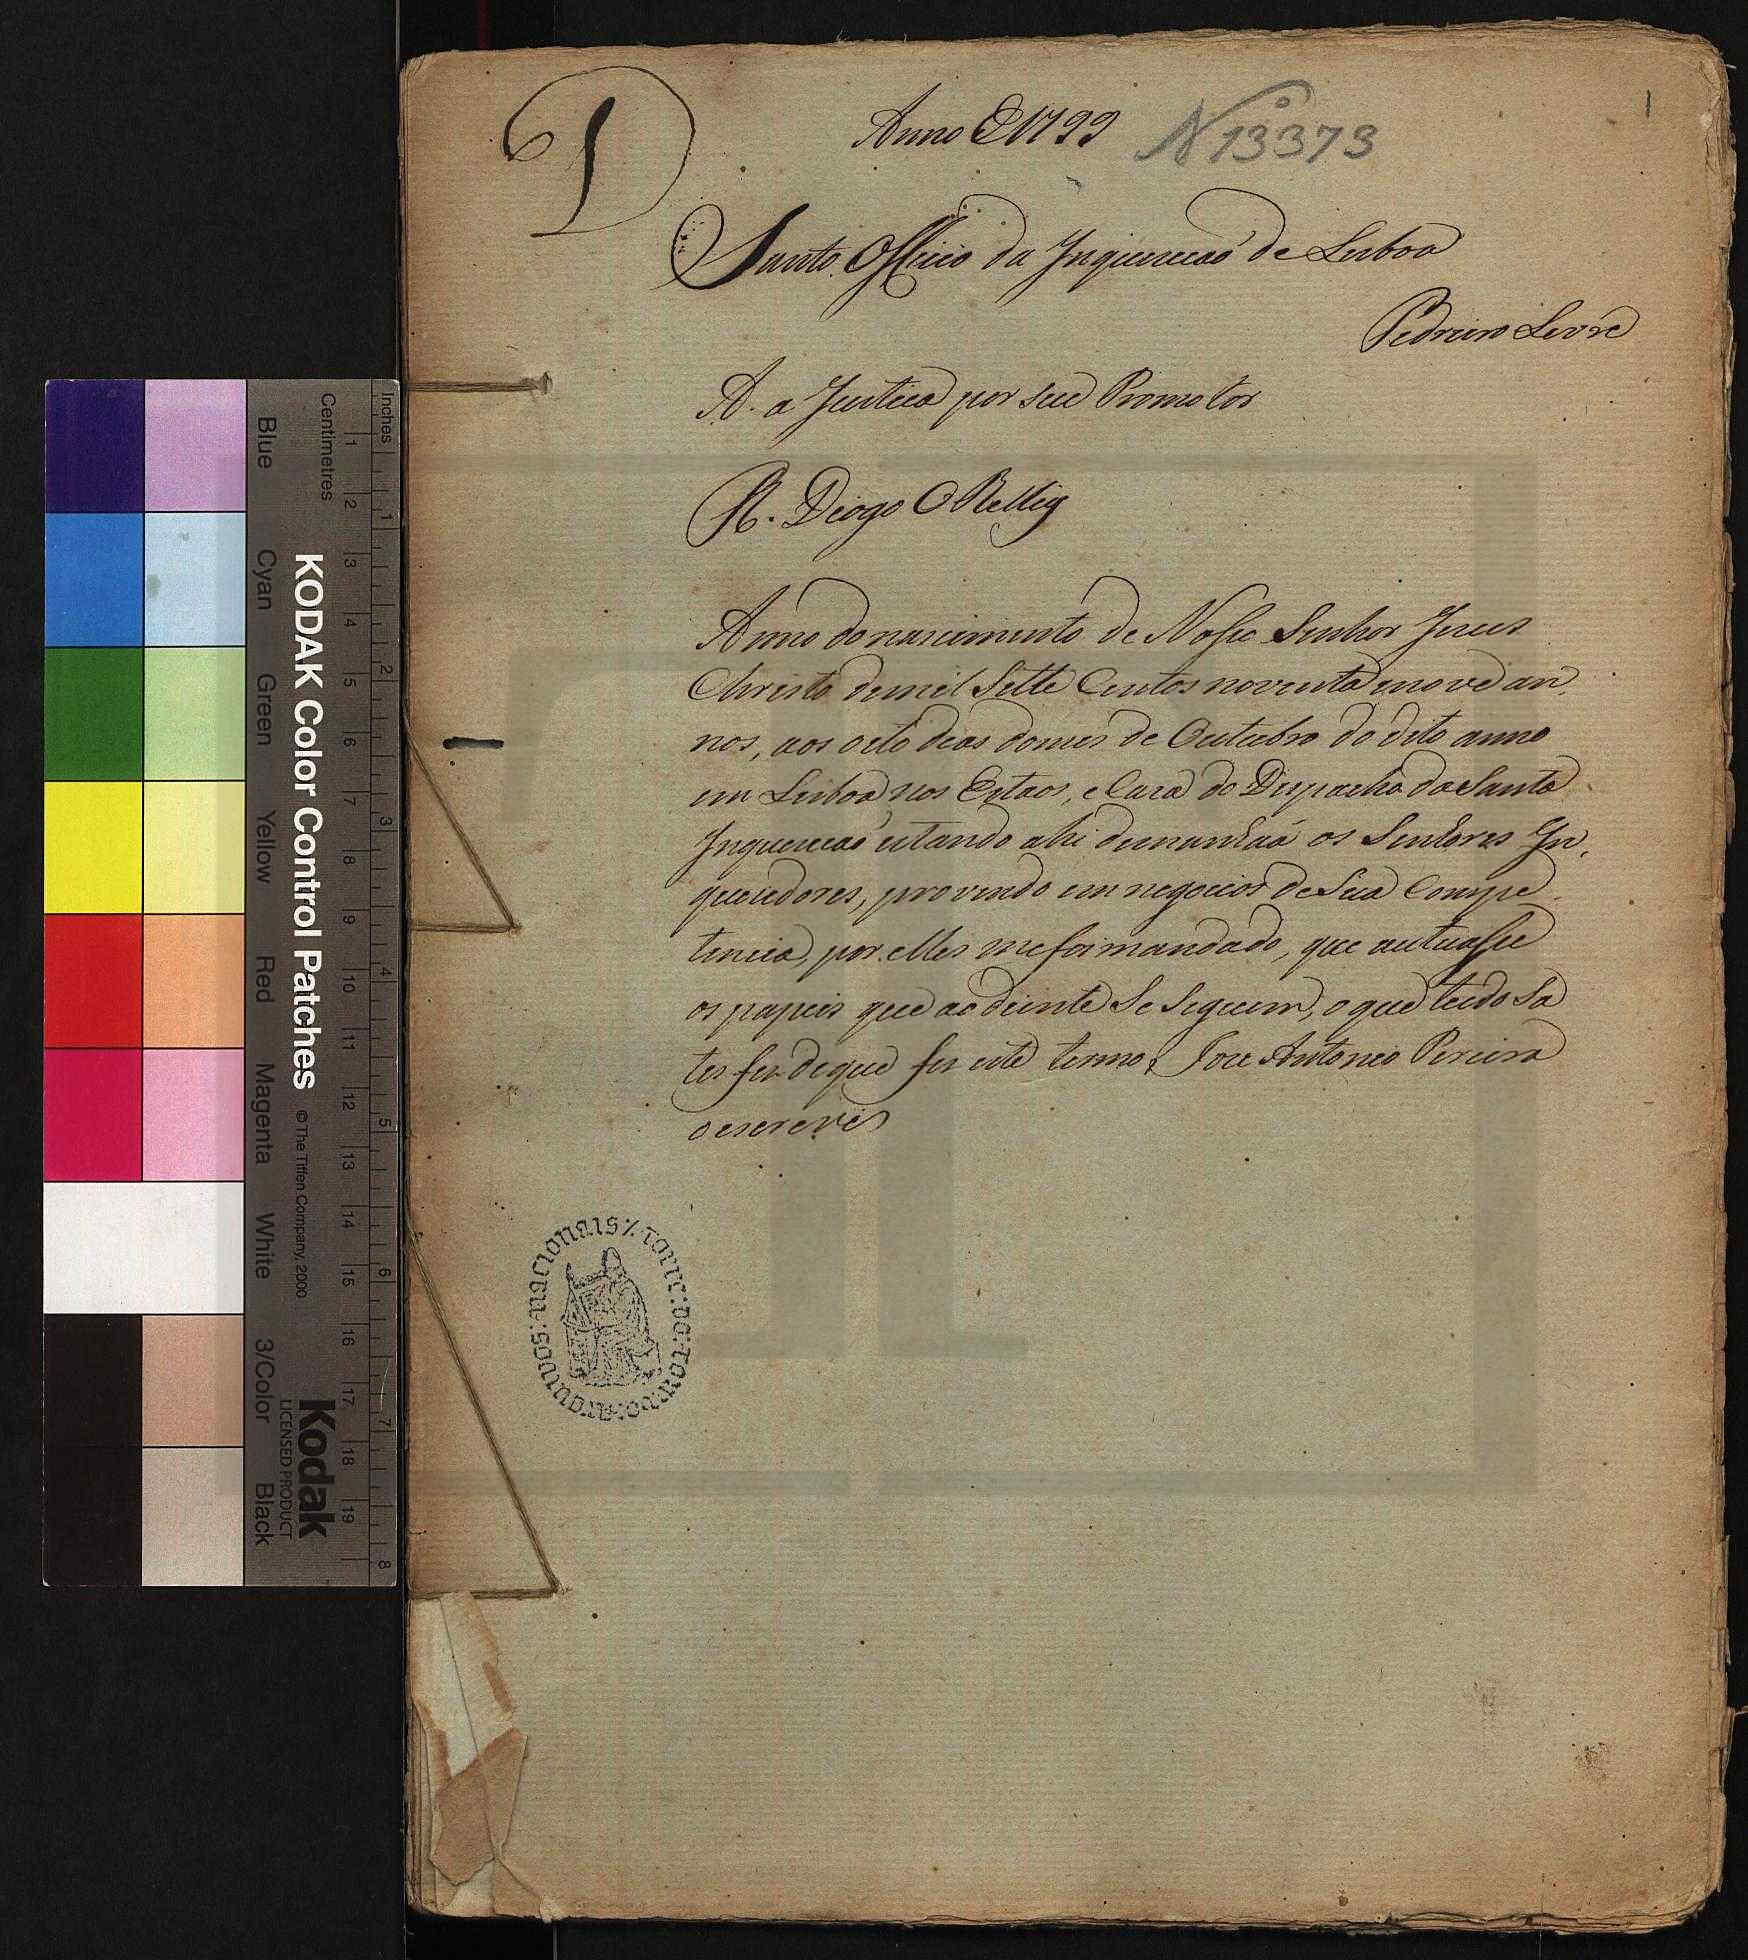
Anno d̄1799
D
Santo Officio da Jnquisicaõ de Lisboa
Pedreiro Livre
A. a Justica por seu Promotor
R. Diogo ORelley
Anno do nascimento de Nosso Senhor Jezus
Christo de mil SetteCentos noventa e nove an,
nos, aos oito dias do mes de Outubro do dito anno
em Lisboa nos Estaos, e Caza do Dispacho da Santa
Jnquisicaõ estando ahi de manhaã os Senhores Jn,
quisidores, provendo em negocios de Sua Compe
tencia, por elles me foi mandado, que autuasse
os papeis que ao diante Se Seguem, o que tudo Sa
tesfez de que fez este termo Joze Antonio Pereira
o escrevi
